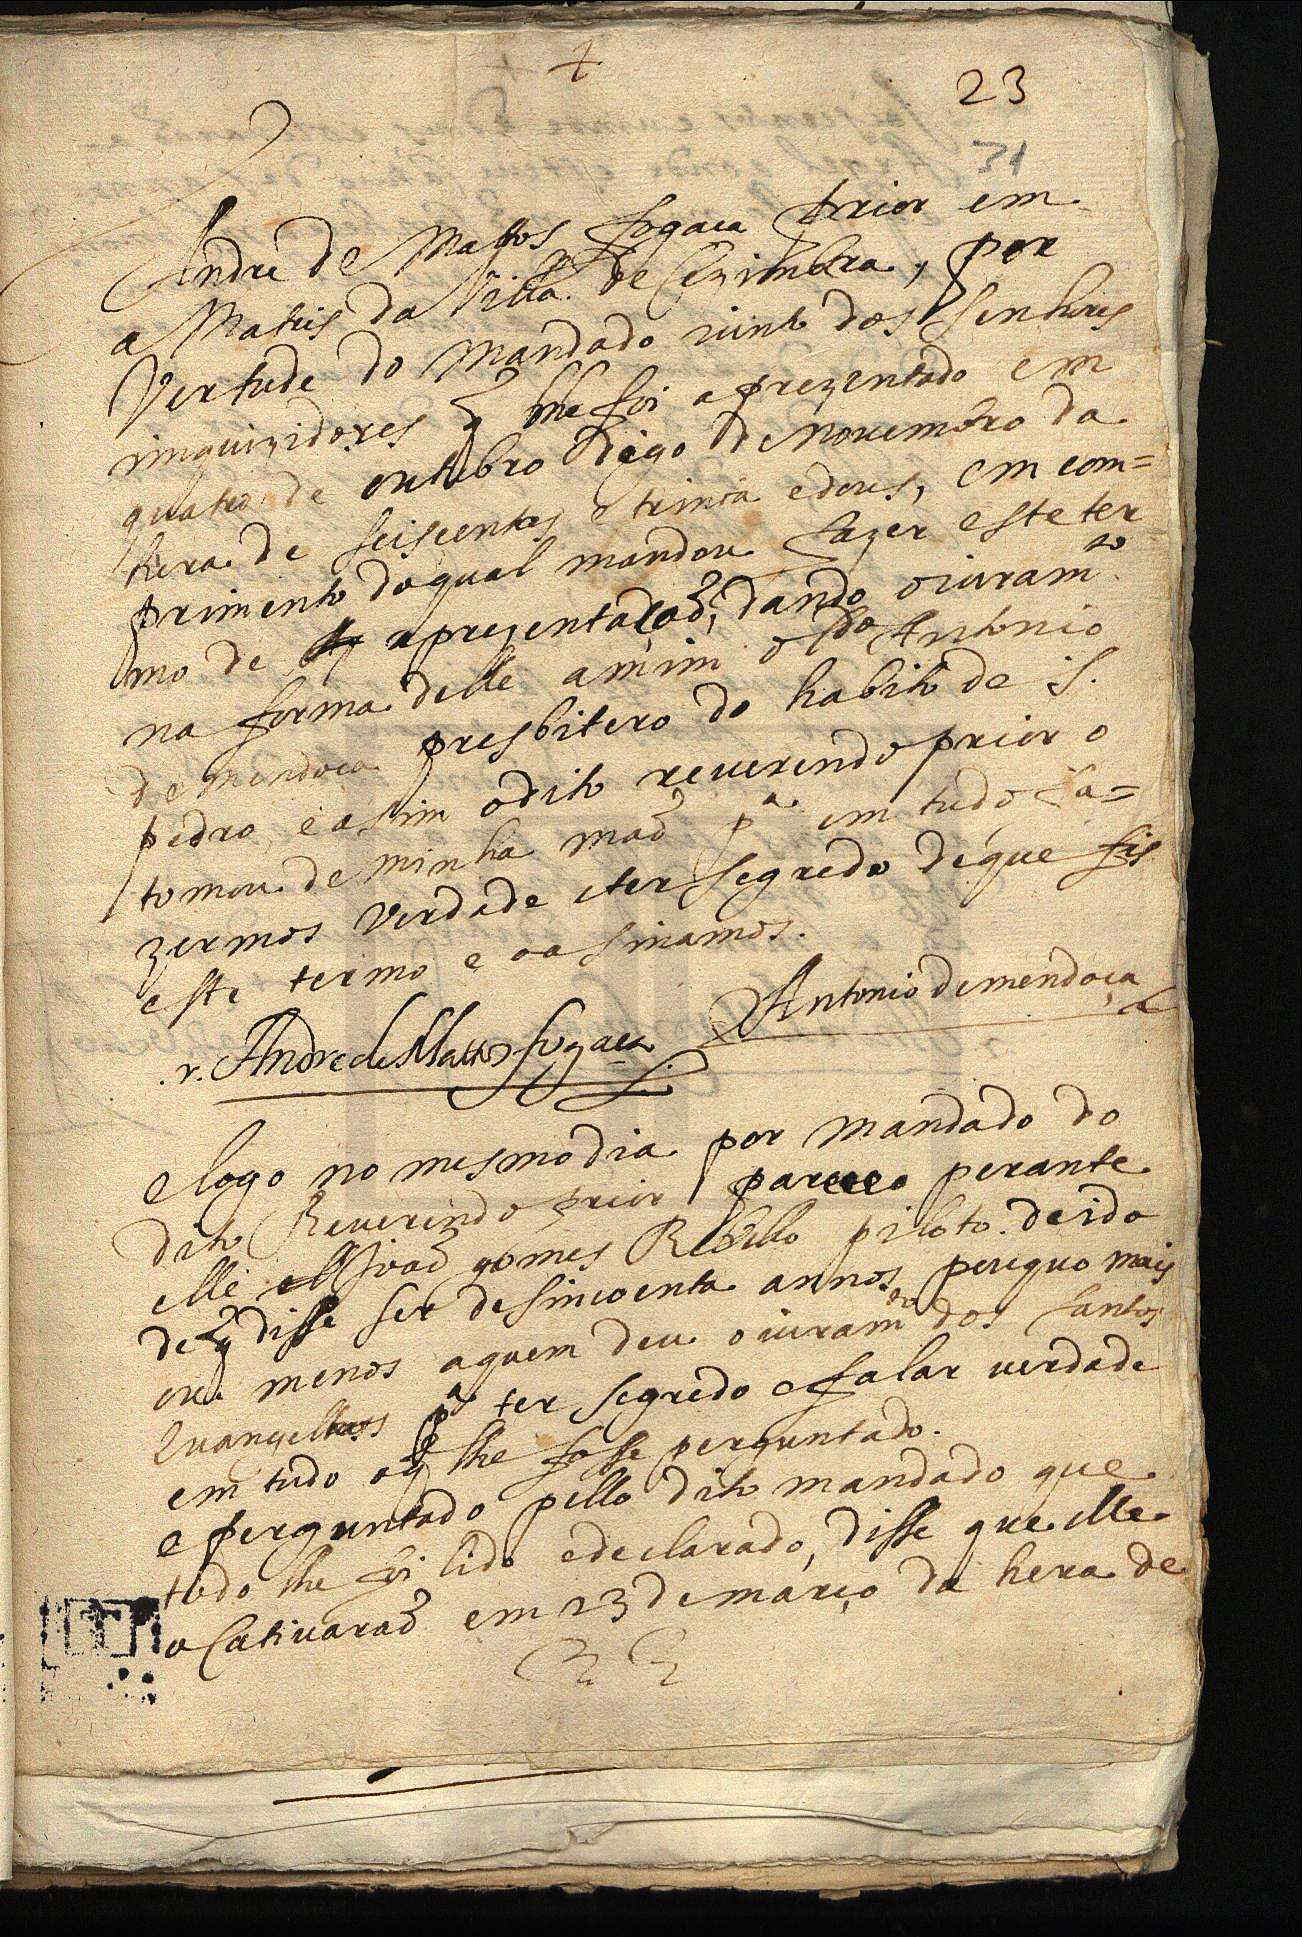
Andre de mattos fogaça prior em
a matris da Villa de Cezimbra, por
Vertude do mandado iunto dos senhores
imquizidores q̄ lhe foi aprezentado em
quatro de outubro digo de nouembro da
hera de seiscentos, E trinta e dous, em com
primento do qual mandou fazer este ter
mo de _ aprezentaçaõ, dando o iuramto
na forma delle a mim o ldo Antonio
de mendoça presbitero do habito de S.
pedro, e asim o dito reuerendo prior o
tomou de minha maõ pa em tudo fa
zermos verdade e ter segredo de que fis
este termo e o asinamos.
e logo no mesmo dia por mandado do
dito Reuerendo prior pareceo perante
elle el Joaõ gomes Rebello piloto de ida
de q̄ disse ser de sincoenta annos pouquo mais
ou menos a quem deu o iuramto dos santos
Euangelhos pa ter segredo e falar uerdade
em tudo o q̄ lhe fosse perguntado.
e perguntado pello dito mandado que
tudo lhe foi lido e declarado, disse que elle
o Catiuaraõ em 23 de março da hera de
